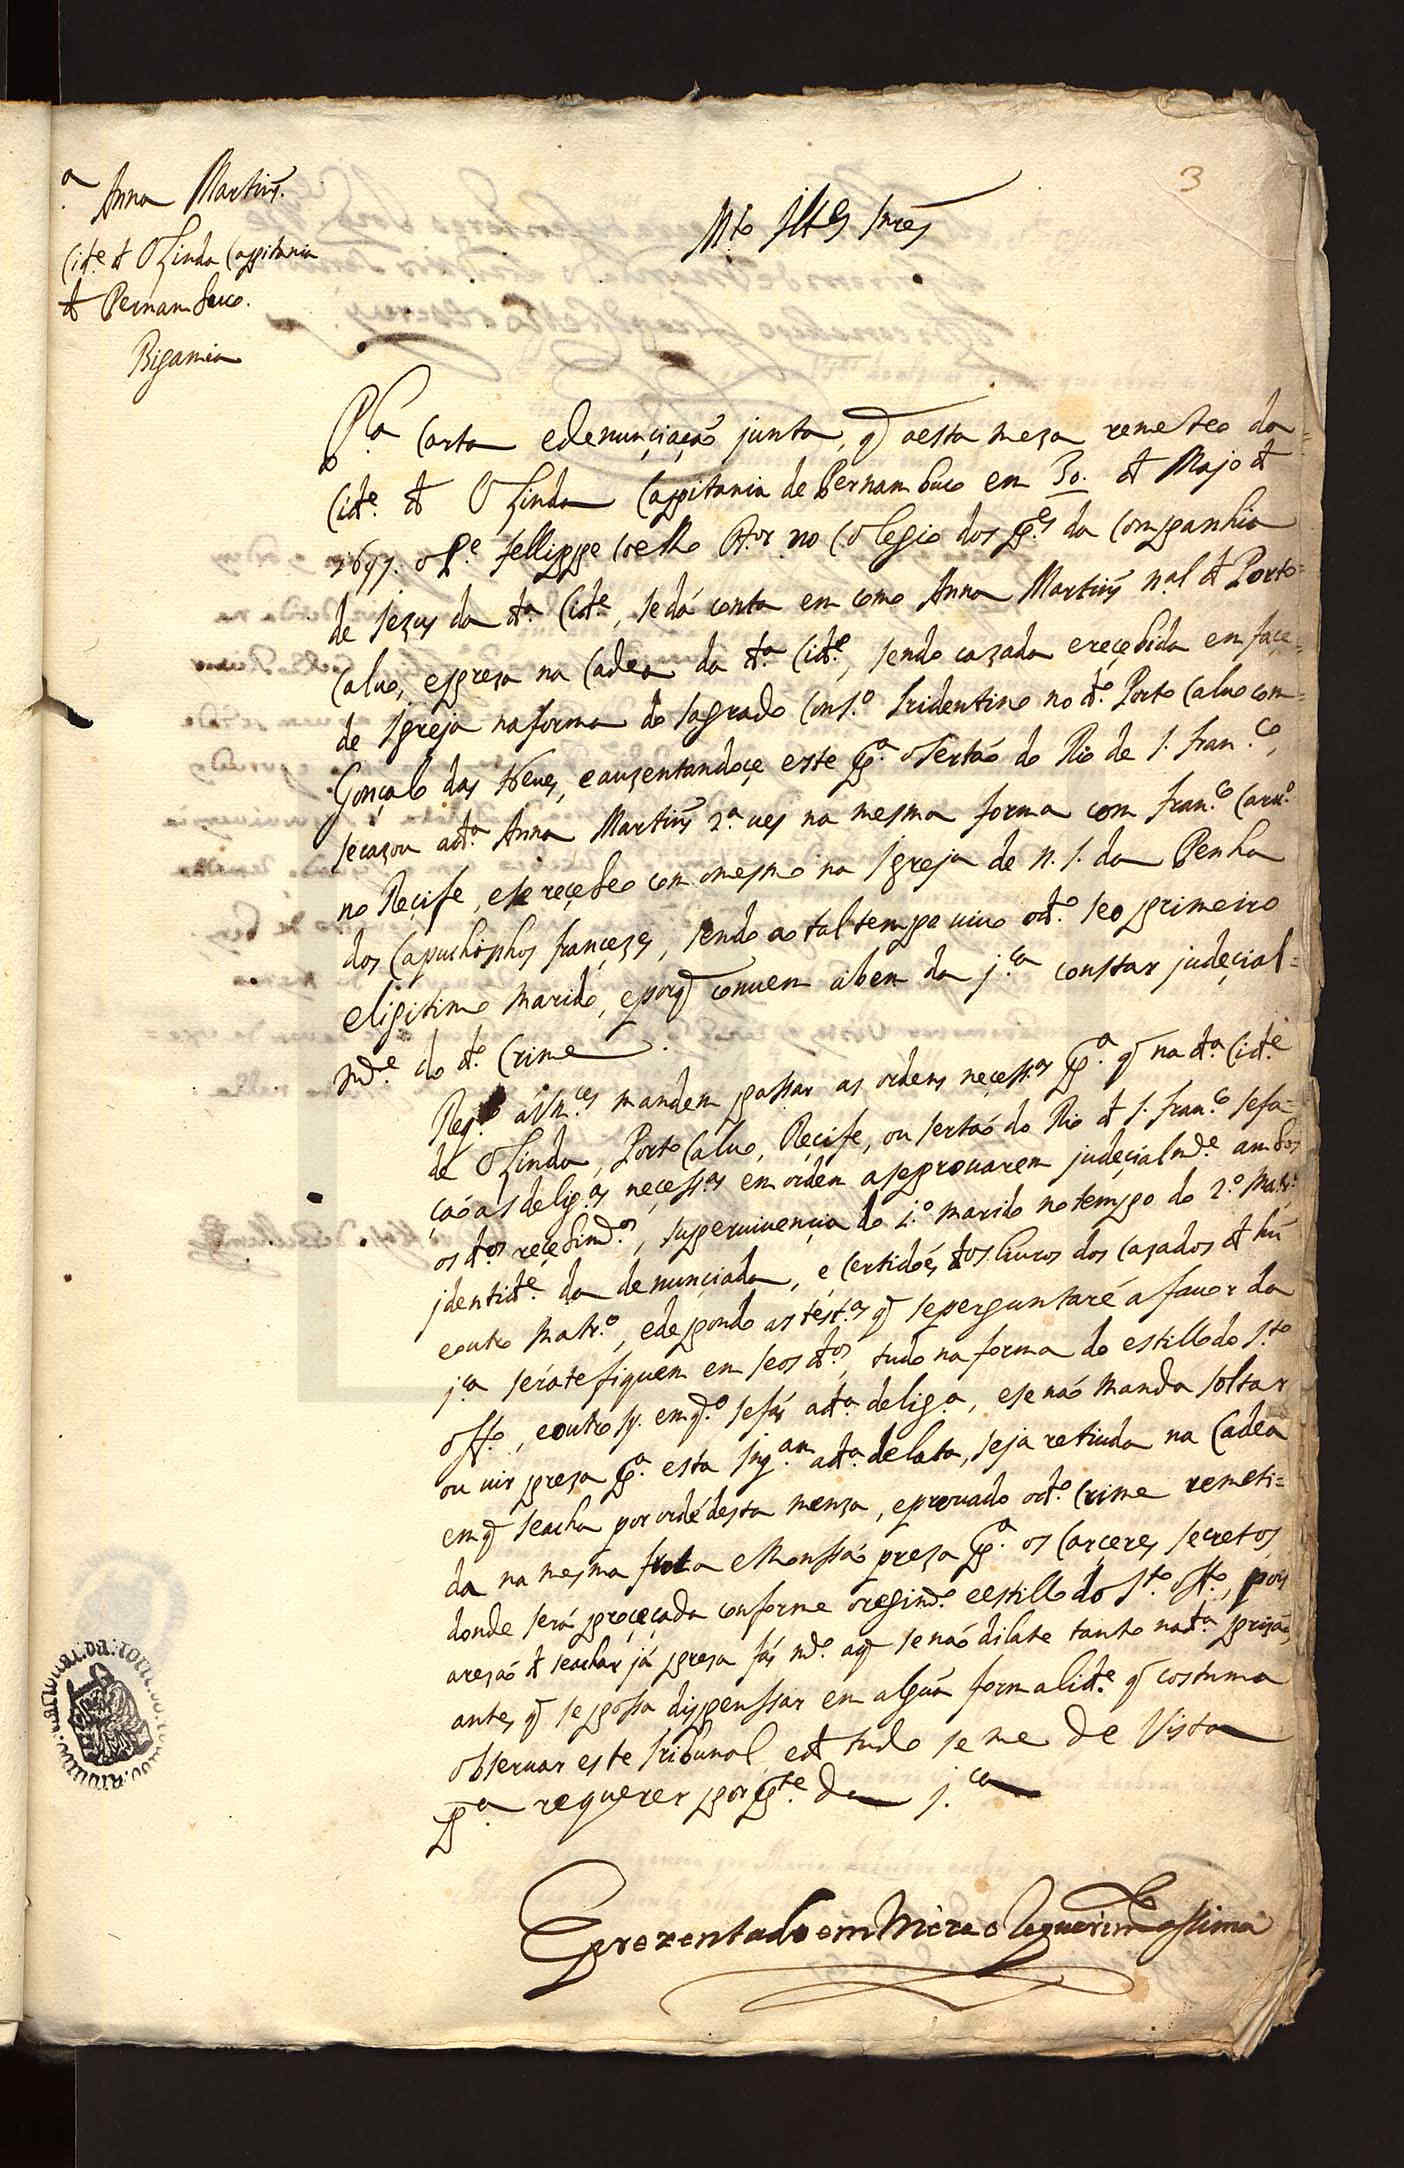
.a Anna Martin̄s.
Cid̄.e d̄ OLinda Cappitania
d̄ Pernambuco.
Bigamia
M.to Iltes Snr̄es
P.la Carta e denunciaçaõ junta, q̄ a esta meza remeteo da
Cid̄e. d̄ OLinda Cappitania de Pernambuco em 30. d̄ Majo d̄
1699. o P.e fellippe coelho R.or no Colegio dos P.es da Companhia
de Iezus da d̄.a Cid̄e., se dá conta em como Anna Martin̄s n.al d̄ Porto
Caluo, e preza na Cadea da d̄.a Cid̄.e, sendo cazada e reçebida em face
de Igreja na forma do sagrado Cons.o tridentino no d̄.o Porto Caluo com
Gonçalo das Neues, e auzentandoçe este p.a o Sertão do Rio de S. Fran.co
se cazou a d̄.a Anna Martin̄s 2.a ves na mesma forma com Fran.co Caru.o
no Recife, e se reçebeo com o mesmo na Igreja de n. s. da Penha
dos Capuchinhos françezes, sendo ao tal tempo uiuo o d̄.o seo primeiro
e ligitimo marido, e porq̄ conuem a bem da j.ca constar judeçial
mte. do d̄.o Crime.
Req._ a V m.ces mandem passar as ordens necess.as p.a q̄ na d̄.a Cid̄.e
de OLinda, Porto Caluo, Recife, ou Sertaõ do Rio d̄ s. fran.co se fa
çaõ as delig.as necess.as em ordem a se prouarem judeçialm.te ambos
os d̄.os recebim̄.os, superuiuencia do i.o marido no tempo do 2.o matr.
jdentid.e da denunciada, e certidões d̄os liuros dos casados d̄ hū
e outro matr.o, e depondo as test.as q̄ se perguntarē a fauor da
j.ca serátefiquem em seos d̄.os, tudo na forma do estillo do s.to
off.o, e outrosy. emq̄.o se fás a d̄.a delig.a, e se naõ manda soltar
ou uir preza p̄.a esta Inq.am a d̄.a delata, seja retiuda na Cadea
em q̄ se acha por ordē desta menza, e prouado o d̄.o Crime remeti
da na mesma frota e monssaõ preza p̄.a os Carceres secretos
donde será proceçada conforme o regim.to e estillo do sto. off.o, pois
a rezão d̄ se achar já preza fás m.to a q̄ se naõ dilate tanto na d̄.a prizaõ
antes, q̄ se possa dispenssar em algūa formalid̄.e q̄ costuma
obseruar este Tribunal e d̄ tudo se me de Vista
p.a requerer por p.te da j.ca
E prezentado em meza o Requerimto assima
